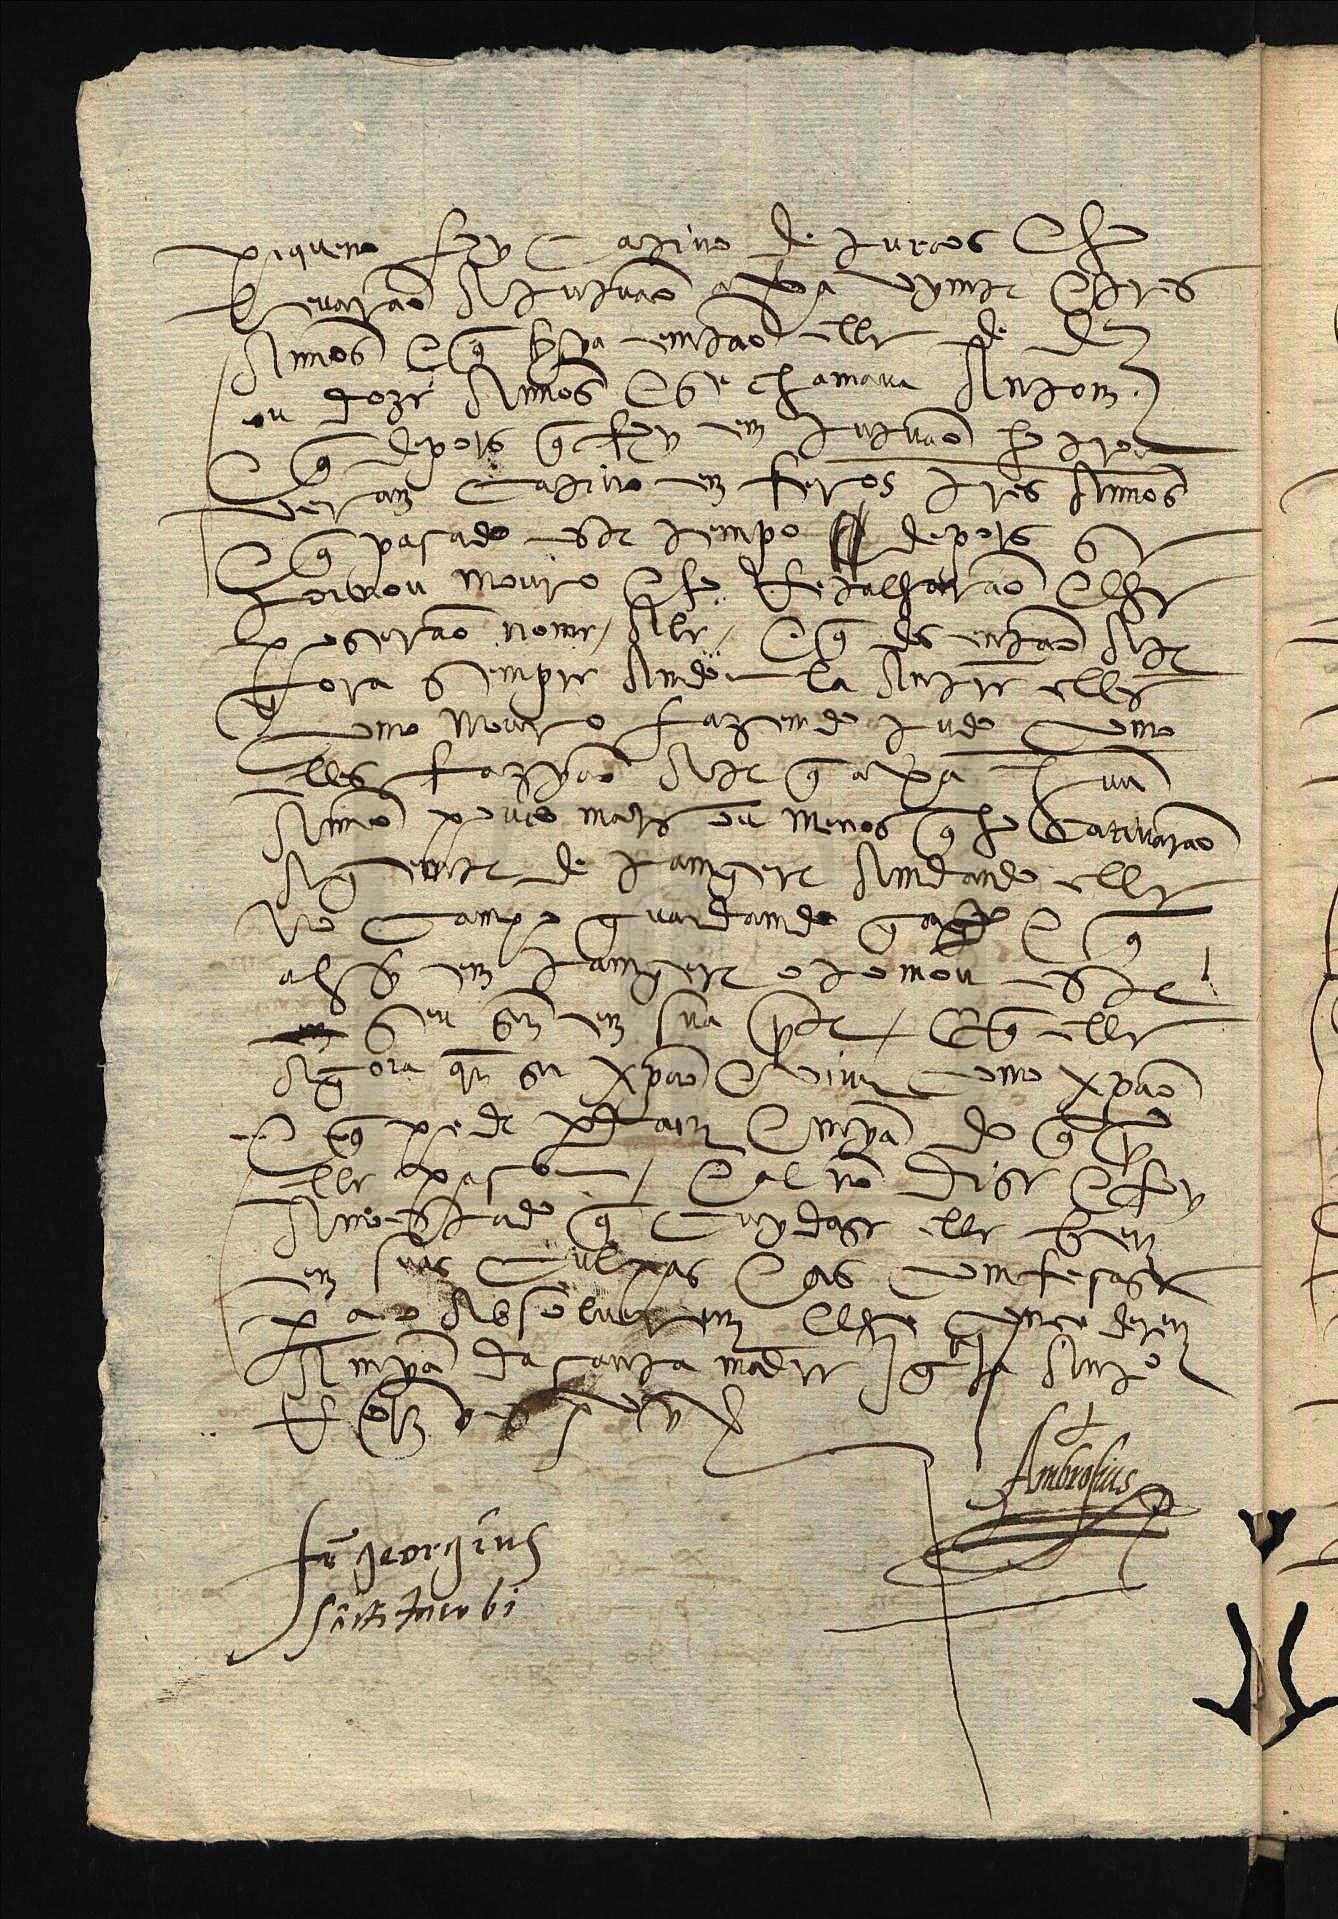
piqueno foy Catiuo de turcos e ho
leuarão A tutuão aꝟa vymte e tres
Ann̄os e q̄ ꞩya emtaõ elle de dez
ou doze Annōs e se chamaua Antom.
e q̄ depojs q̄ foy em tutuão ho trou
veram Catiuo em feros tres Annōs
e q̄ pasado este tempo e depojs se
tornou mouro e ho Retalharaõ e lhe
poserão nome / Ale / e q̄ des então Ate
gora sempre Andou la Antre elles
Como mouro fazemdo tudo Como
elles fazyão Ate q̄ aꝟa hūu
Anno pouco majs ou menos q̄ ho catiuarão
A gemte de tamgere Amdando elle
no Campo guardamdo gagdo e q̄
ahy em tamgere o tomou este
em seu s̄or em sua p̄te / E q̄ elle
Agora q̄r ser xpão e viuer Como xpão
e q̄ pede ꝑdam e mȳa do q̄ p̄o
elle pasou / e al nō dise e foy
Amoestado q̄ cuydase elle bem
em suas Culpas e as Comfesase
ꝑa o Absoluerem e lhe concederem
A mȳa da santa madre JḡJa Anto
Roj̄z o esp̄vy
Ambrosius
fr̄ georgius
sācti Iacobi
